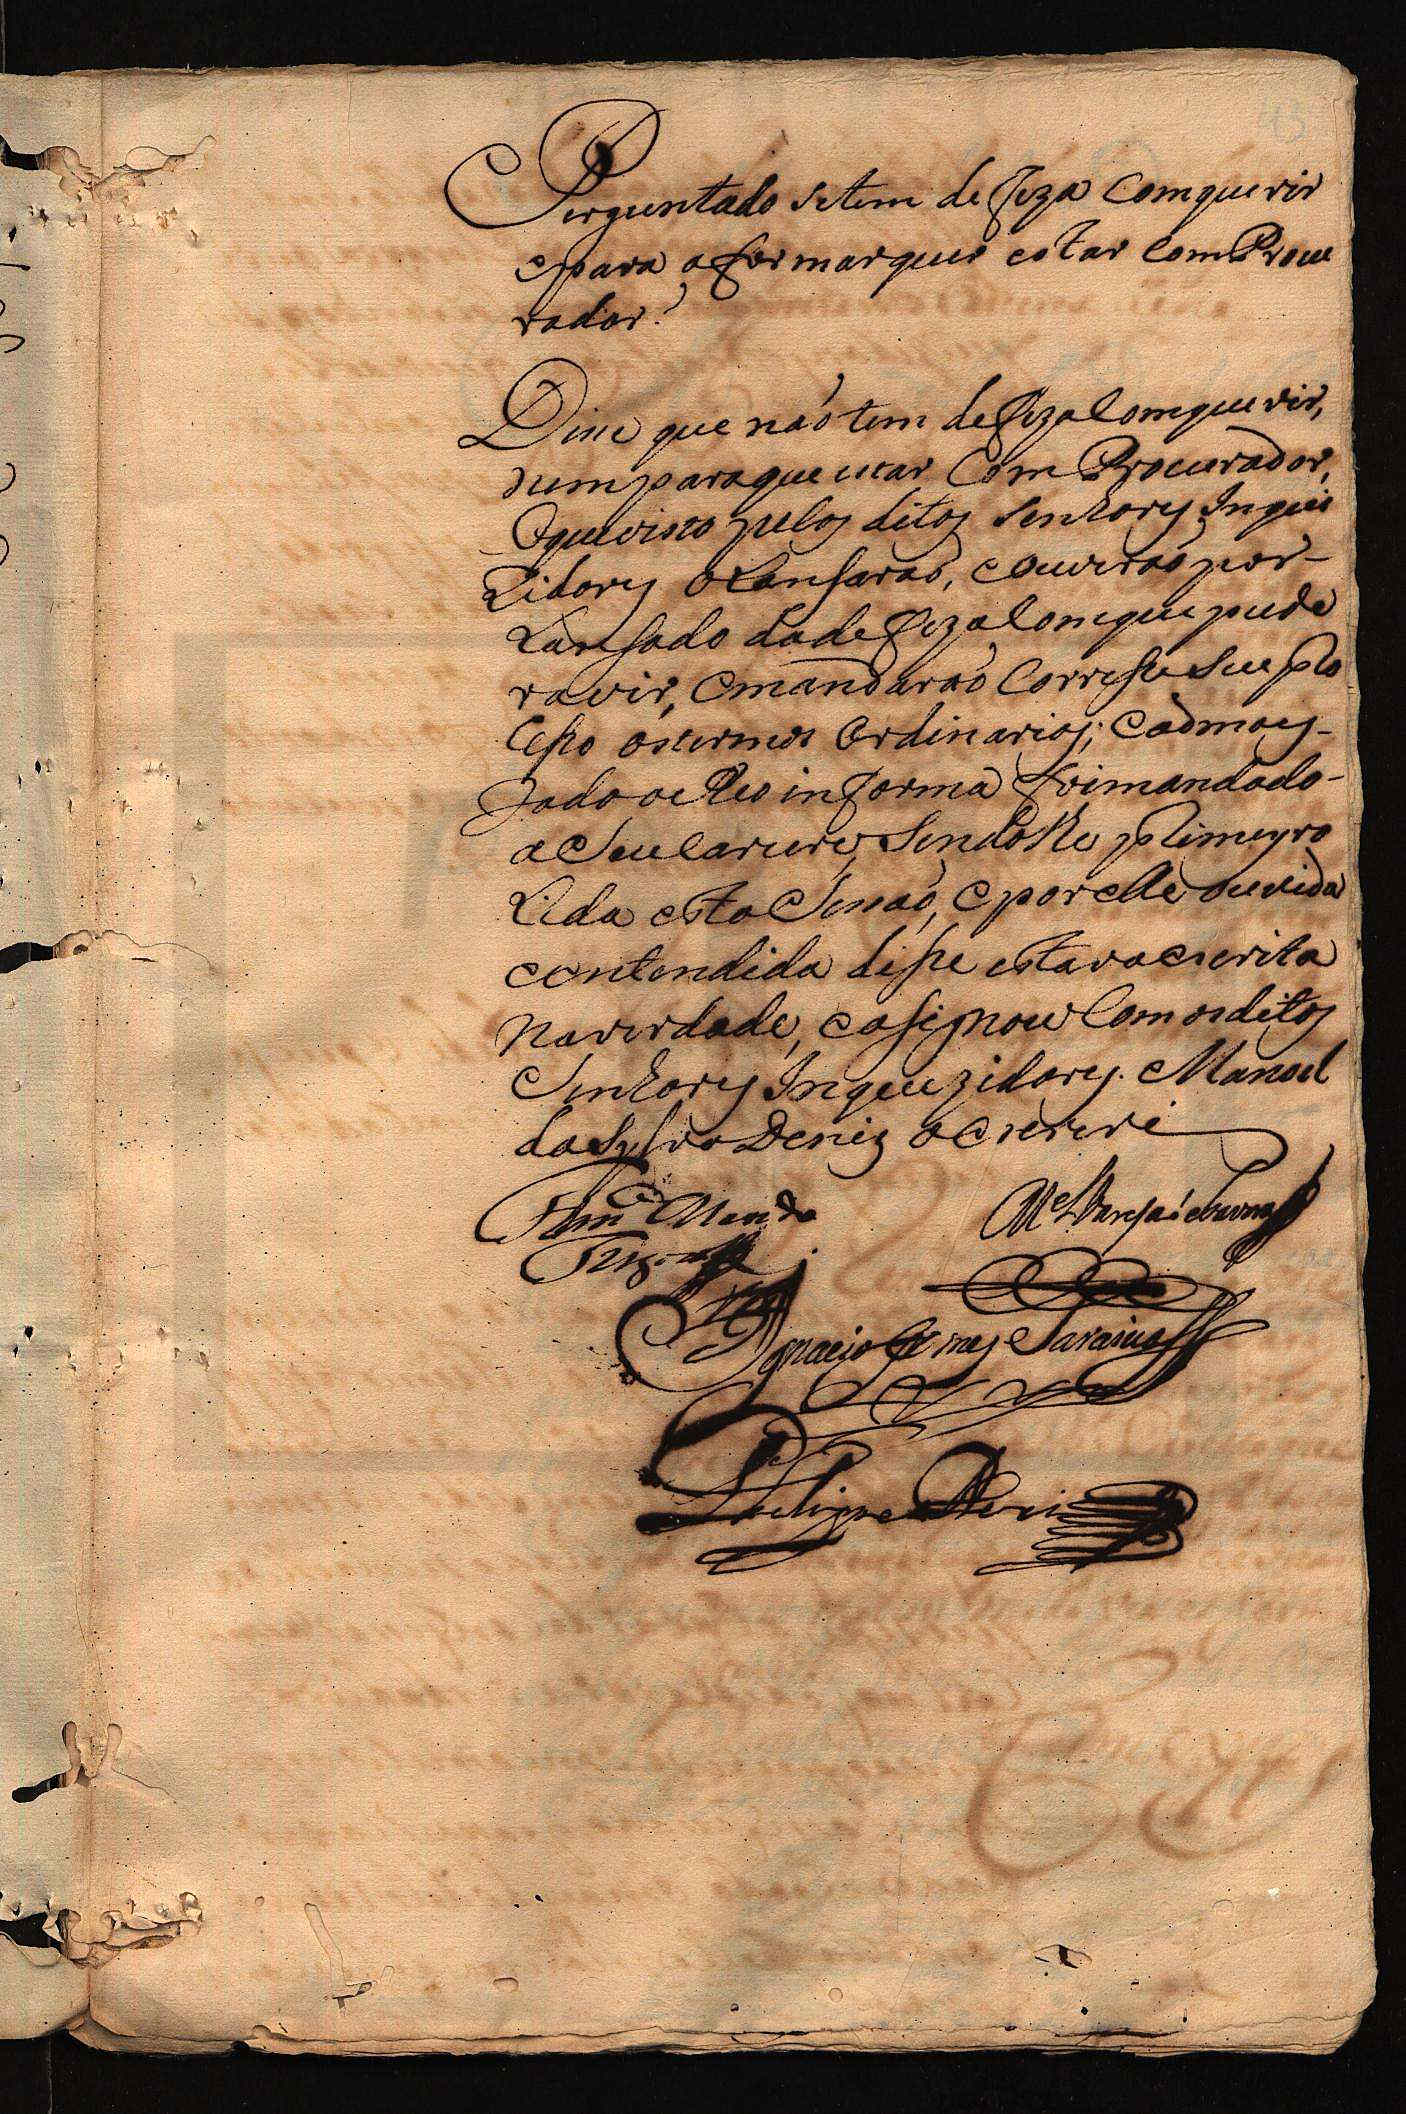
Perguntado se tem defeza com que vir
e para o formar quer estar com Procu
rador?
Disse que naõ tem defeza com que vir,
nem para que estar Com Procurador,
O que visto pelos ditos senhores Inqui
zidores o lansaraõ, e ouviraõ por
Lansado da defeza com que pude
ra vir, e mandaraõ corresse seu pRo
cesso os termos Ordinarios; e admoes
tado o Reo in forma foi mandado
a Seu carcere, Sendolhe primeyro
Lida esta Sessaõ, e por elle ouvida
e entendida disse estava escrita
na verdade, e asignou com os ditos
Senhores Inquezidores Manoel
da Sylva Deniz o escrevi
Mel. Varejaõ e Tavora
Franco Mendo
Trigozo
Ignacio Gomes Saraiua
Phelippe Neri
